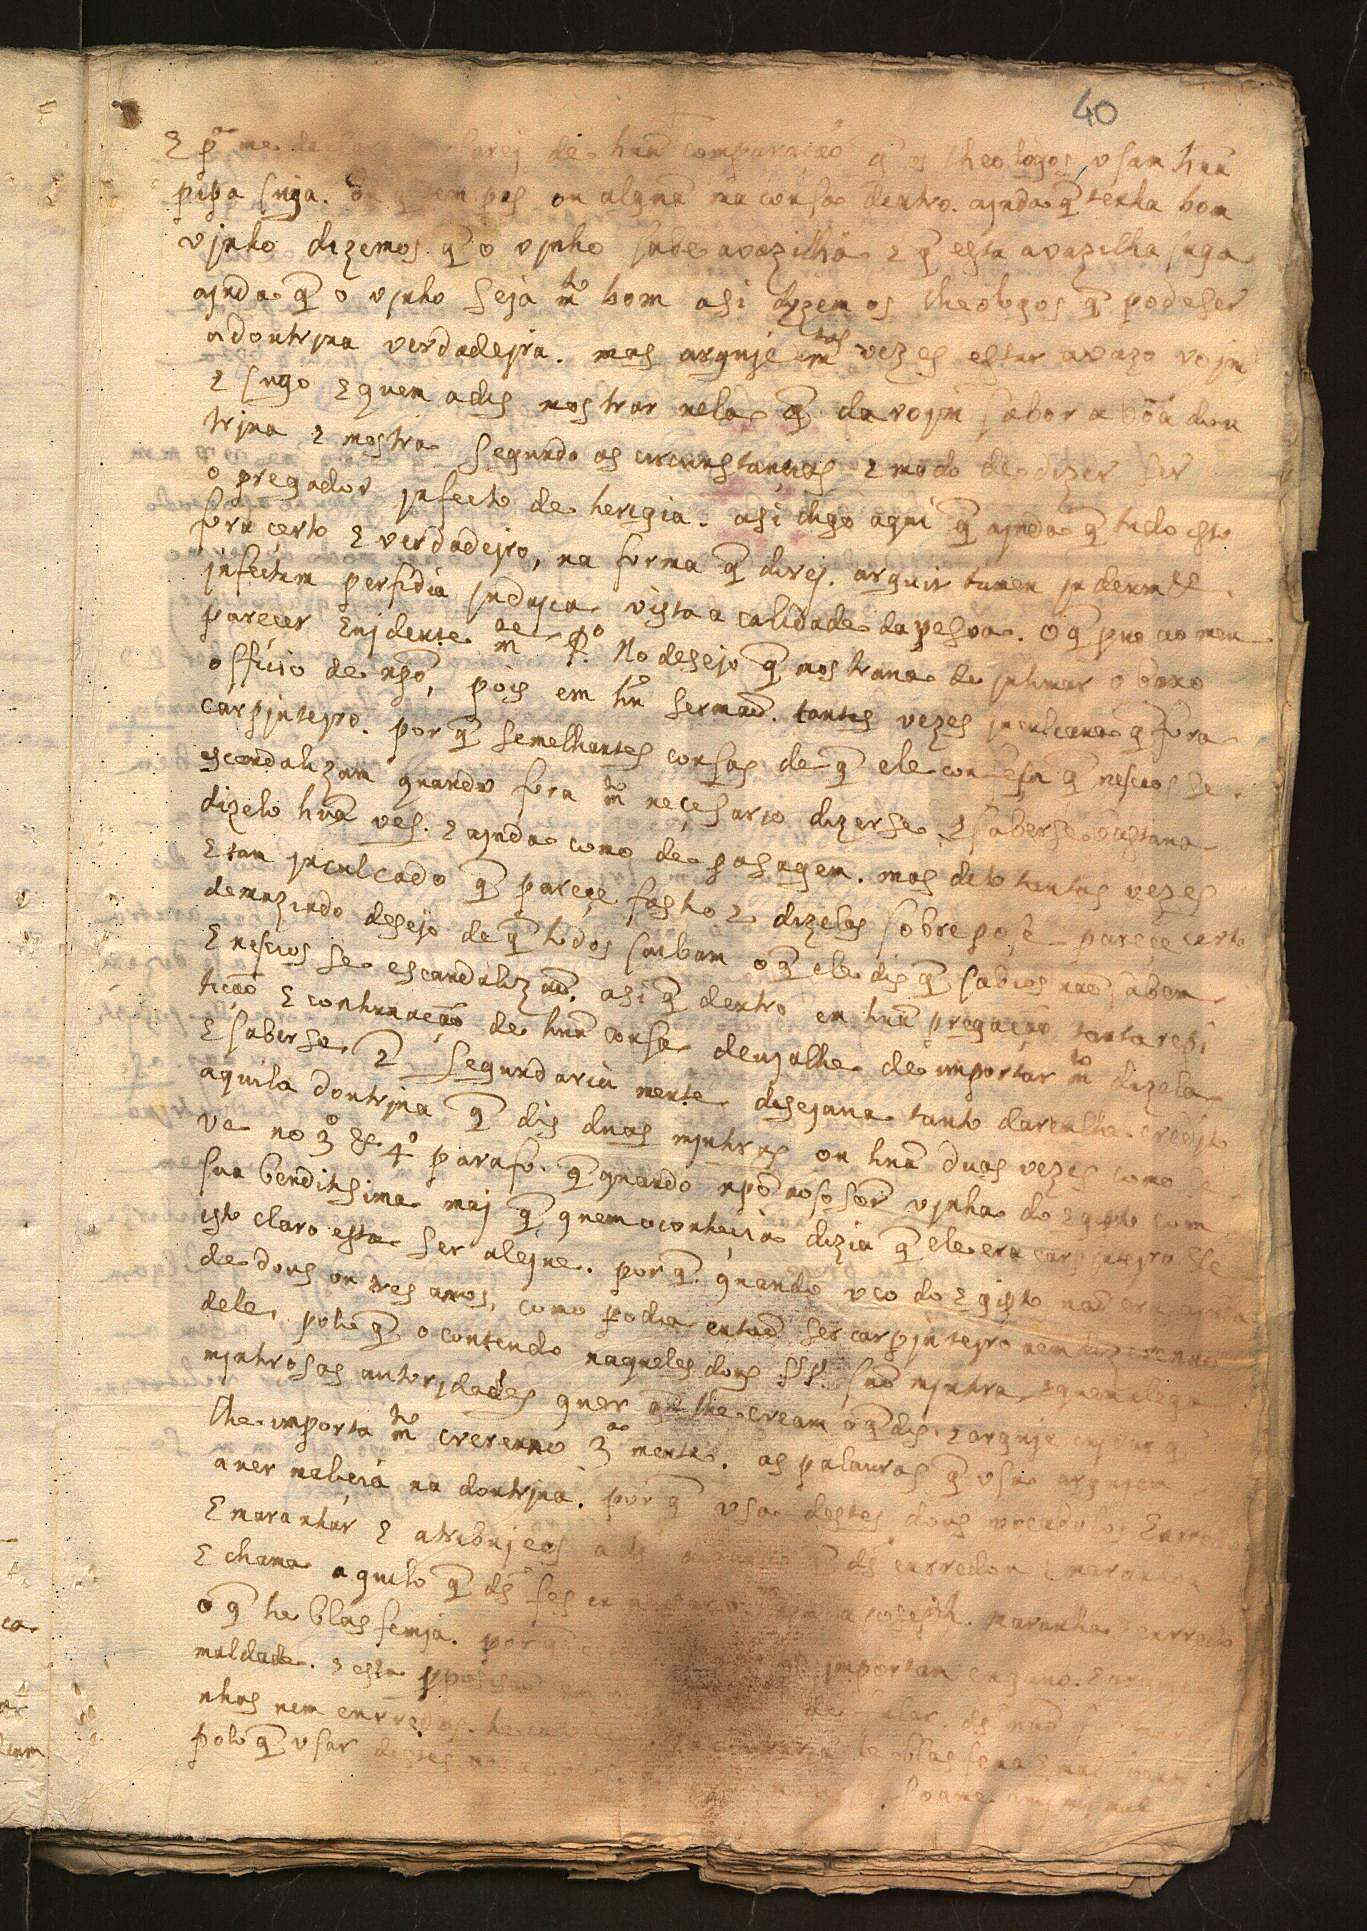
E pa me _ _arej de huā comparaçaõ q̄ os theologos vsam huā
pipa Cuja _ _pos ou alguā ma cousa dentro ajnda q̄ tenha bom
vjnho dizemos q̄ o vjnho sabe a vazilha, E q̄ esta a vazilha suja
ajnda q̄ o vjnho seja mto bom asi dyzem os theologos q̄ pode ser
a doutrina verdadejra. mas arguje mtas vezes estar a vazo vejm
E Lugo e quem o dis mostrar nelas q̄ da rojm saber a boa dou
trjna E mostra segundo as circunstancias E modo de dizer ser
o pregador jnfecto de heregia. asi digo aqui q̄ ajnda q̄ tudo isto
fora certo E verdadejro, na forma q̄ direj arguir tamen judeum &
jnfectam perfidia judajca vista a calidade da pesoas. O q̄ ꝓuo ao meu
parecer Eujdentemte P.o no deseio q̄ mostrando de ??? o baxo
officio de xpō, pois em hū sermaõ tantas vezes se aleuado??? q̄ fora
carpjntejro porq̄ semelhantes cousas de q̄ ele confesa q̄ nescios se
escandalizam quando fora mto necesario dizerse E saberse bastaua
dizelo huā ves. E ajnda como de pasagem. mas dito tantas vezes
E tam jnculcado q̄ parece fastio E dizelas sobre pose parece certo
demaziado desejo de q̄ todos saibam o q̄ ele dis q̄ sabios não sabem
e nescios se escandalizão, asi q̄ dentro em huā pregação tanta repi
tição E continuaçaõ de huā deujalhe de importar mto dizela
E saber se item segundariamente desejaua tanto darialhe credjto
aquela doutrjna q̄ dis duas mjntiras ou huā duas vezes como se
ve no 3o & 4o parafo. q̄ quando xpō noso sōr vjnha do E _ com
sua benditisima maj q̄ quem o conhecia dizia q̄ elle era carpyntejro E se
isto claro esta ser alejue porq̄ quando veo do Egipto não era ajnda
de dous ou tres anos como podia então ser carpjntejro nem dizer
dele polo q̄ o conteudo naqueles dous SS. saõ mjntira, E quem alega
mjntirosas autoridades quer q̄ lhe cream o q̄ dis E arguje _ q̄
lhe importa mto crer erro 3a mente. as palauras q̄ vsa argujem
auer malicia na doutrjna. porq̄ vsa destes dous uocabulos E
Emaranhar E atribujeos a si _ q̄ ds̄ enrredou e maranhou
E chama aquilo q̄ ds̄ fes _ a joseph maranha enrredo
o q̄ he blasfemia porq̄ _ importam engano. E
maldade E esta ꝓposição _ de falar ds̄ não
nhas nem enrredos. _ blasfema e
polo q̄ vsar de
